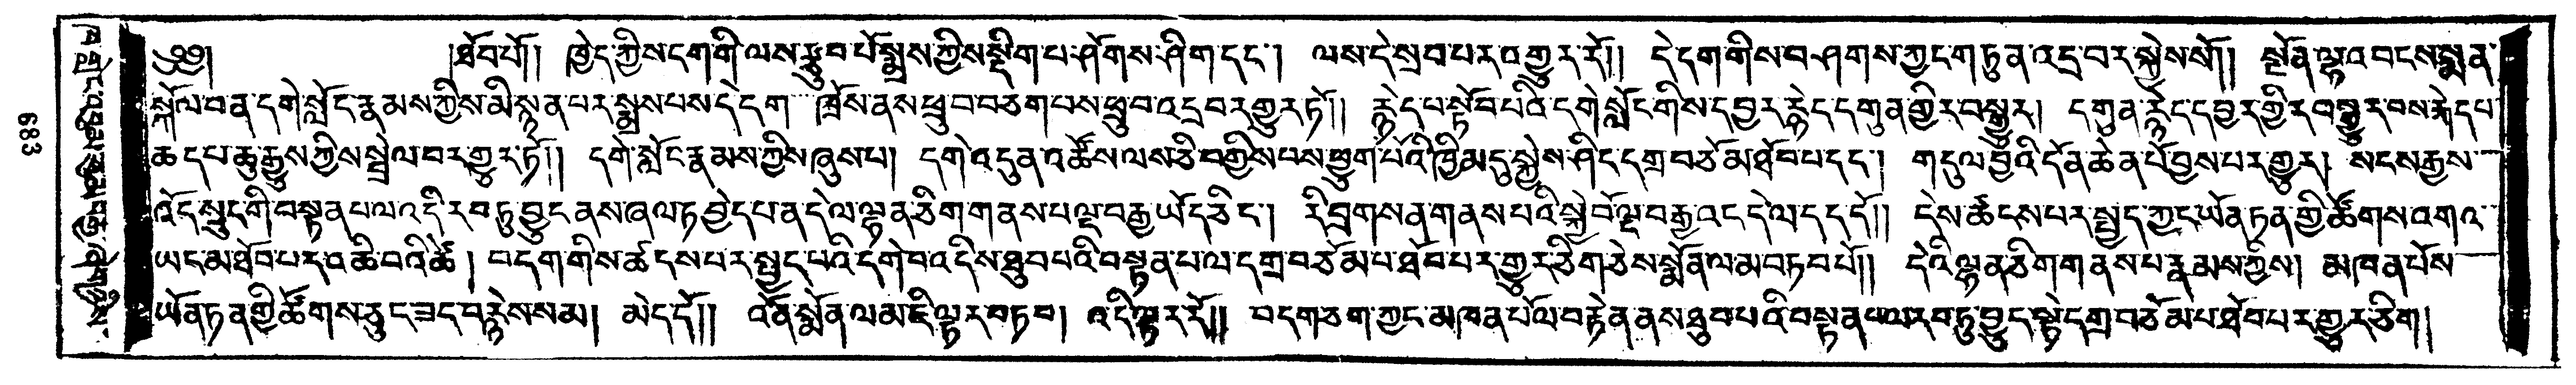༄༅། །ཐོབ་པོ།། ཁྱེད་ཀྱིས་ངག་གི་ལས་རྩུབ་པོ་སྨྲས་ཀྱིས་སྡིག་པ་ཤོགས་ཤིག་དང་། ལས་དེ་སྲབ་པར་འགྱུར་རོ།། དེ་དག་གིས་བཤགས་ཀྱང་གཏུན་འདྲ་བར་སྐྱེས་སོ།། སྔོན་ལྷ་འབངས་སྨན་
སྐོལ་བ་ན་དགེ་སློང་རྣམས་ཀྱིས་མི་སྙན་པར་སྨྲས་པས་དེ་དག་ཁྲོས་ནས་ཕྲུ་བ་བཅག་པས་ཕྲུ་བ་འདྲ་བར་གྱུར་ཏོ།། རྙེད་པ་སྟོབ་པའི་དགེ་སློང་གིས་དབྱར་རྙེད་དགུན་གྱིར་བསྒྱུར། དགུན་རྙེད་དབྱར་གྱིར་བསྒྱུར་བས་རྐེད་པ་
ཆད་པ་ཆུ་རྒྱུས་ཀྱིས་སྦྲེལ་བར་གྱུར་ཏོ།། དགེ་སློང་རྣམས་ཀྱིས་ཞུས་པ། དགེ་འདུན་འཚོས་ལས་ཅི་བགྱིས་པས་ཕྱུག་པོའི་ཁྱིམ་དུ་སྐྱེས་ཤིང་དགྲ་བཅོམ་ཐོབ་པ་དང་། གདུལ་བྱའི་དོན་ཆེན་པོ་བྱས་པར་གྱུར། སངས་རྒྱས་
འོད་སྲུང་གི་བསྟན་པ་ལ་འདི་རབ་ཏུ་བྱུང་ནས་ཞལ་ཏ་བྱེད་པ་ན་དེ་ལ་ལྷན་ཅིག་གནས་པ་ལྔ་བརྒྱ་ཡོད་ཅིང་། རི་བྲགས་ན་གནས་པའི་སྐྱེ་བོ་ལྔ་བརྒྱ་འང་དེ་ལ་དད་དོ།། དེས་ཚངས་པར་སྤྱད་ཀྱང་ཡོན་ཏན་གྱི་ཚོགས་འགའ་
ཡང་མ་ཐོབ་པར་འཆི་བའི་ཚེ། བདག་གིས་ཚད་པར་སྤྱད་པའི་དགེ་བ་འདིས་ཐུབ་པའི་བསྟན་པ་ལ་དགྲ་བཅོམ་པ་ཐོབ་པར་གྱུར་ཅིག་ཅེས་སྨོན་ལམ་བཏབ་པོ།། དེའི་ལྷན་ཅིག་གནས་པ་རྣམས་ཀྱིས། མཁན་པོས་
ཡོན་ཏན་གྱི་ཚོགས་ཅུང་ཟད་བརྙེས་སམ། མེད་དོ།། འོ་ན་སྨོན་ལམ་ཇི་ལྟར་བཏབ། འདི་ལྟར་རོ།། བདག་ཅག་ཀྱང་མཁན་པོ་ལ་བརྟེན་ནས་ཐུབ་པའི་བསྟན་པ་ལ་རབ་ཏུ་བྱུང་སྟེ་དགྲ་བཅོམ་པ་ཐོབ་པར་གྱུར་ཅིག།